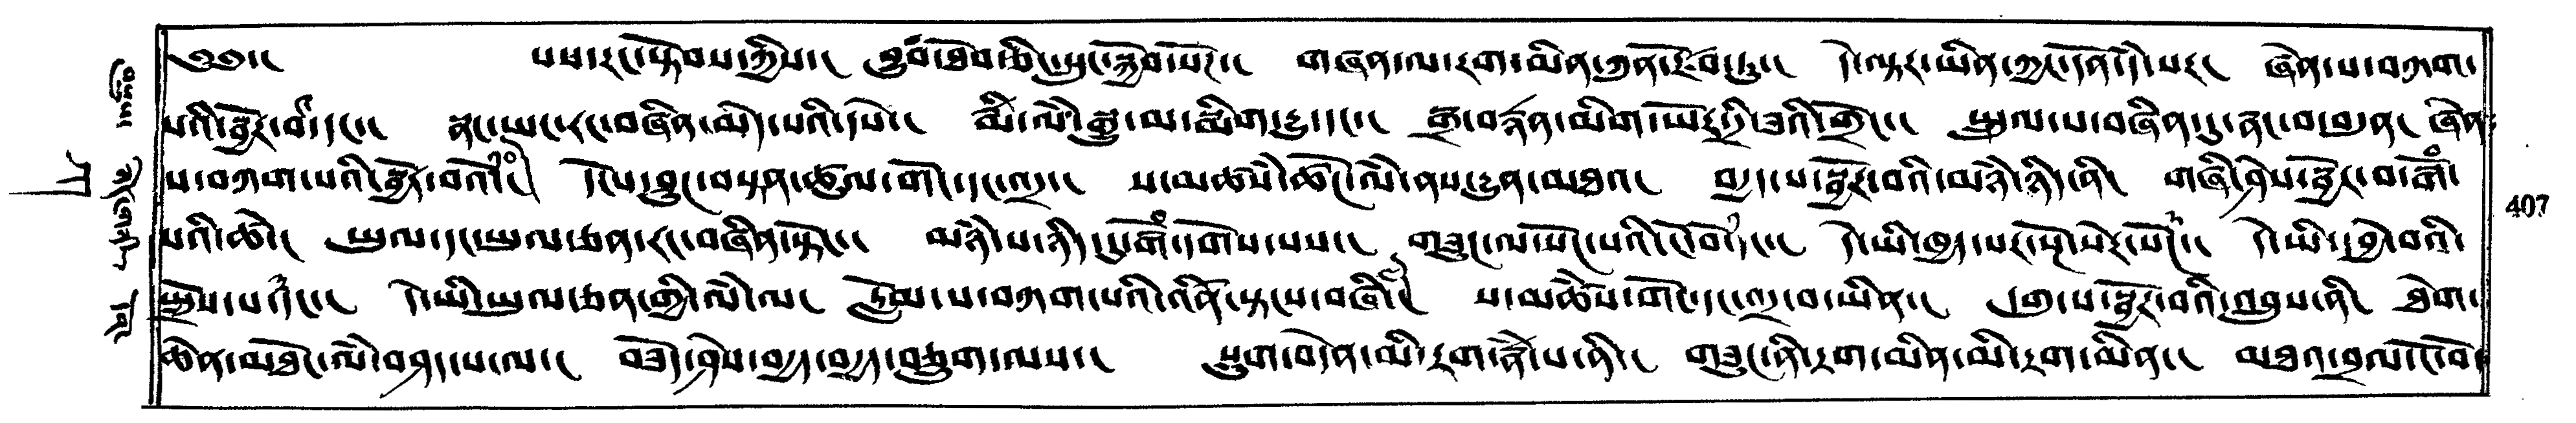པས་རང་སྟོབས་ཀྱིས། །བྱང་ཆུབ་ཐོབ་ཅིང་སྲུང་སྐྱོབ་སོགས། །གཞན་ལ་རག་མིན་ཀུན་རྫོབ་ཏུ། །དེ་ལྟར་ཡིན་ཀྱང་དོན་དམ་པར། །ཞེན་པ་བཀག་
པའི་སྦྱོར་བ་དང་། །སྣང་ཡང་རང་བཞིན་མེད་པའི་དཔེ། །རྨི་ལམ་སྒྱུ་མ་སྨིག་རྒྱུ་དང་། །སྒྲ་བརྙན་མིག་ཡོར་དྲི་ཟའི་གྲོང་། །སྤྲུལ་པ་བཞིན་དུ་སྣང་བ་བདུན། །ཞེན་
པ་བཀག་པའི་སྦྱོར་བའོ། །དངོས་ཤུགས་བསྟན་ཚུལ་གོང་དང་འདྲ། །ས་མཚམས་ཚོགས་ལམ་ནས་རྒྱུན་མཐའ། །བརྒྱད་པ་སྦྱོར་བའི་མཉམ་ཉིད་ནི། །གཞི་ཤེས་སྦྱོར་བ་སྒོམ་
པའི་ཚེ། །ཡུལ་དང་ཡུལ་ཅན་རང་བཞིན་སྟོང་། །མཉམ་པ་ཉིད་དུ་སྒོམ་དགོས་པས། །གཟུགས་ལ་སོགས་པའི་ངོ་བོ་དང་། །དེ་ཡི་ཁྱད་པར་སྔོ་སེར་སོགས། །དེ་ཡི་དབྱེ་བའི་
སྤྲོས་པ་དང་། །དེ་ཡི་ཡུལ་ཅན་གྱི་ལམ་ལ། །རློམ་པ་བཀག་པའི་འཛིན་སྟངས་བཞི། །ས་མཚམས་གོང་དང་འདྲ་བ་ཡིན། །དགུ་པ་སྦྱོར་བའི་འབྲས་བུ་ནི། །ཐེག་
ཆེན་མཐོང་ལམ་བཤད་པ་ལ། །བཟོད་ཤེས་བརྒྱད་བརྒྱད་བཅུ་དྲུག་ལས། །སྡུག་བདེན་མི་རྟག་རྣམ་པ་ནི། །གཟུགས་ནི་རྟག་མིན་མི་རྟག་མིན། །མཐའ་བྲལ་ངོ་བོ་